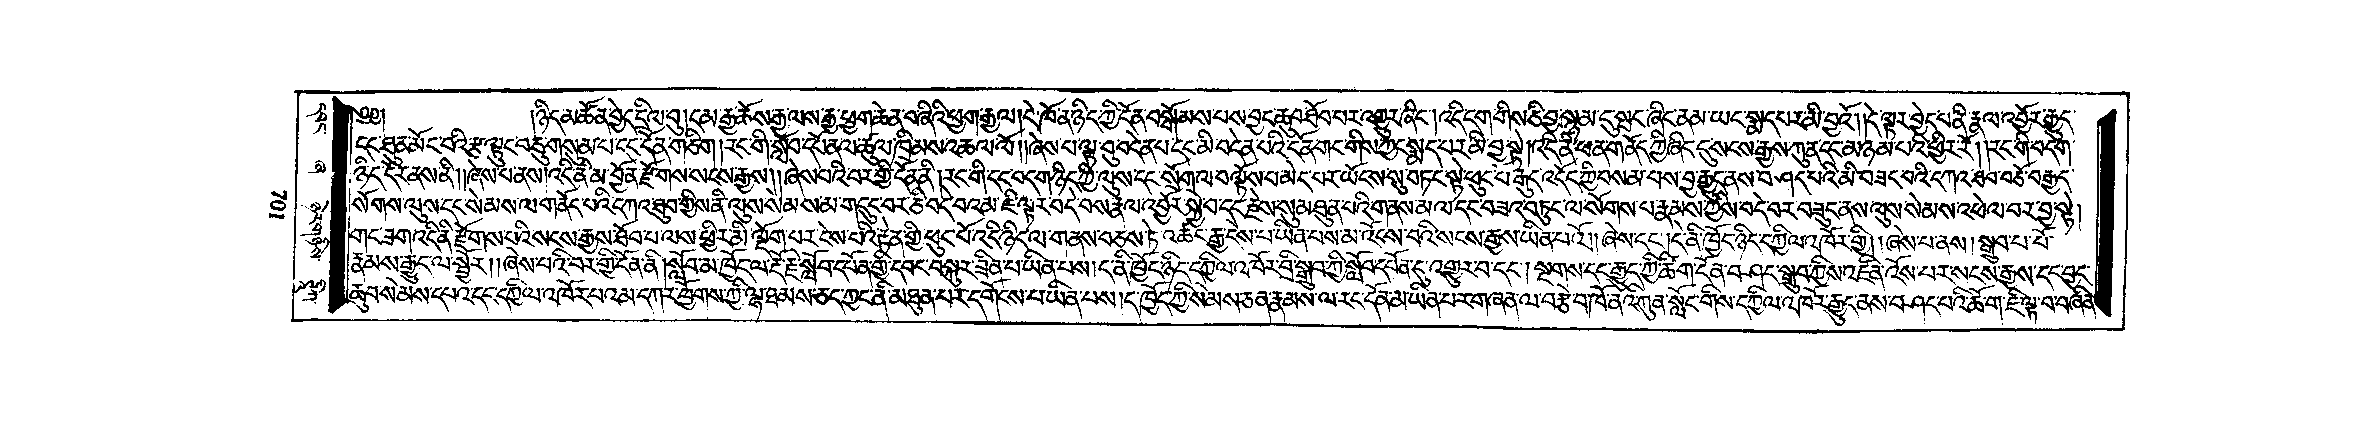༄༅། །ཉིད་མཚོན་བྱེད་དྲིལ་བུ། དམ་རྒྱ་ཆོས་རྒྱ་ལས་རྒྱ་ཕྱག་ཆེན་བཞིའི་ཕྱག་རྒྱལ། དེ་ཁོ་ན་ཉིད་ཀྱི་དོན་བསྒོམས་པས་བྱང་ཆུབ་ཐོབ་པར་འགྱུར་ཞིང་། འདི་དག་གིས་ཅི་བྱ་སྙམ་དུ་སྤང་ཞིང་ནམ་ཡང་སྨད་པར་མི་བྱའོ། །དེ་ལྟར་བྱེད་པ་ནི་རྣལ་འབྱོར་རྒྱུད་
དང་ཐུན་མོང་བའི་རྩ་ལྟུང་བཅུ་གསུམ་པ་དང་དོན་གཅིག །རང་གི་སློབ་དཔོན་ལ་ཚུལ་ཁྲིམས་འཆལ་ལོ། །ཞེས་པ་ལྟ་བུ་བདེན་པ་དང་མི་བདེན་པའི་དོན་གང་གིས་ཀྱང་སྨད་པར་མི་བྱ་སྟེ། འདི་ནི་ཕན་གནོད་ཀྱི་ཞིང་དུ་སངས་རྒྱས་ཀུན་དང་མཉམ་པའི་ཕྱིར་རོ། །རང་གི་བདག་
ཉིད་དོར་ནས་ནི། །ཞེས་པ་ནས། འདི་ནི་མ་བྱོན་རྫོགས་སངས་རྒྱས། །ཞེས་པའི་བར་གྱི་དོན་ནི། རང་གི་དང་བདག་ཉིད་ཀྱི་ལུས་དང་སྲོག་ལ་བལྟོས་པ་མེད་པར་ཡོངས་སུ་བཏང་སྟེ་ཕུང་པོ་རྒུད་འདོད་ཀྱི་བསམ་པས་བྱ་རྒྱུད་ནས་བཤད་པའི་མི་བཟང་པའི་དཀའ་ཐབ་བཅོ་བརྒྱད་
སོགས་ལུས་དང་སེམས་ལ་གནོད་པའི་དཀའ་ཐུབ་གྱིས་ནི་ལུས་སེམས་མ་གདུང་བར་ཅི་བདེ་བའམ་ཇི་ལྟར་བདེ་བས་རྣལ་འབྱོར་སྐྱེ་བ་དང་རྗེས་སུ་མཐུན་པའི་གནས་མལ་དང་བཟའ་བཏུང་ལ་སོགས་པ་རྣམས་ཀྱིས་བདེ་བར་བཟུང་ནས་ལུས་སེམས་འཕེལ་བར་བྱ་སྟེ།
གང་ཟག་འདི་ནི་རྫོགས་པའི་སངས་རྒྱས་ཐོབ་པ་ལས་ཕྱིར་མི་ལྡོག་པར་ངེས་པའི་རྟེན་གྱི་ཕུང་པོ་འདི་ཉིད་ལ་གནས་བཅས་ཏེ་འཚང་རྒྱ་ངེས་པ་ཡིན་པས་མ་འོངས་པའི་སངས་རྒྱས་ཡིན་པའོ། །ཞེས་དང་། དེ་ནི་ཁྱོད་ཉིད་དཀྱིལ་འཁོར་གྱི། །ཞེས་པ་ནས། སྒྲུབ་པ་པོ་
རྣམས་རྒྱུད་ལ་སྦྱོར། །ཞེས་པའི་བར་གྱི་དོན་ནི། སློབ་མ་ཁྱོད་ལ་རྡོ་རྗེ་སློབ་དཔོན་གྱི་དབང་བསྐུར་ཟིན་པ་ཡིན་པས། ད་ནི་ཁྱོད་ཉིད་དཀྱིལ་འཁོར་བྲི་སྒྲུབ་ཀྱི་སློབ་དཔོན་དུ་འགྱུར་བ་དང་། སྔགས་དང་རྒྱུད་ཀྱི་ཚིག་དོན་བཤད་སྒྲུབ་ཀྱིས་འཛིན་འོས་པར་སངས་རྒྱས་དང་བྱང་
ཆུབ་སེམས་དཔའ་དང་དཀྱིལ་འཁོར་པའམ་དཀར་ཕྱོགས་ཀྱི་ལྷ་ཐམས་ཅད་ཀྱང་ནི་མཐུན་པར་དགོངས་པ་ཡིན་པས། ད་ཁྱོད་ཀྱི་སེམས་ཅན་རྣམས་ལ་རང་དོན་མ་ཡིན་པར་གཞན་ལ་བརྩེ་བ་ཁོ་ནའི་ཀུན་སློང་གིས་དཀྱིལ་འཁོར་རྒྱུད་ནས་བཤད་པའི་ཆོ་ག་ཇི་ལྟ་བ་བཞིན་